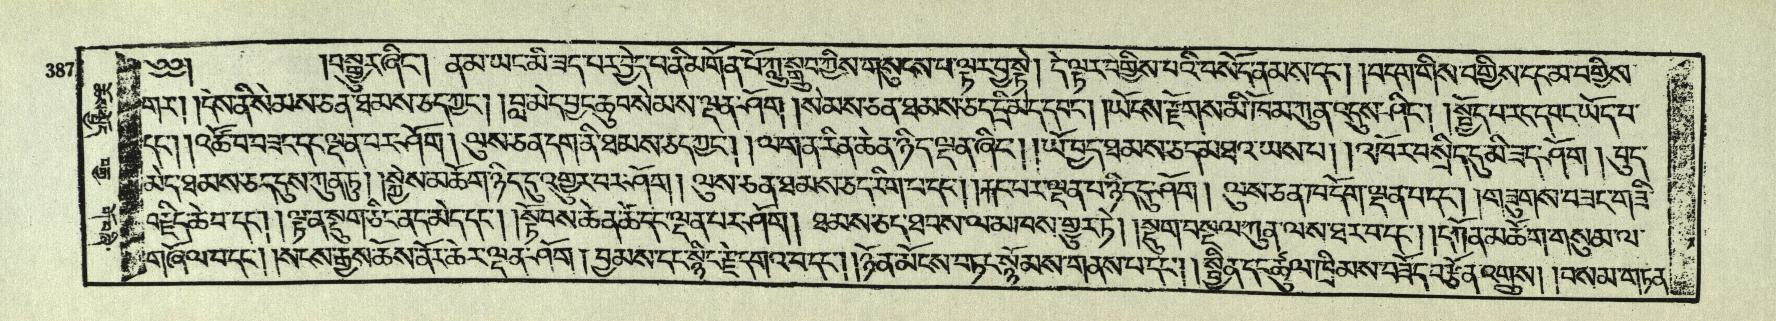༄༅། །བསྒྱུར་ཞིང་། ནམ་ཡང་མི་ཟད་པར་བྱེད་པ་ནི་མགོན་པོ་ཀླུ་སྒྲུབ་ཀྱིས་གསུངས་པ་ལྟར་བྱ་སྟེ། དེ་ལྟར་བགྱིས་པའི་བསོད་ནམས་དང་། །བདག་གིས་བགྱིས་དང་མ་བགྱིས་
གར། །དེས་ནི་སེམས་ཅན་ཐམས་ཅད་ཀྱང་། །བླ་མེད་བྱང་ཆུབ་སེམས་ལྡན་ཤོག །སེམས་ཅན་ཐམས་ཅད་དྲི་མེད་དབང་། །ཡོངས་རྫོགས་མི་ཁོམ་ཀུན་འདུས་ཤིང་། །སྤྱོད་པ་རང་དབང་ཡོད་པ་
དང་། །འཚོ་བ་བཟང་དང་ལྡན་པར་ཤོག །ལུས་ཅན་དག་ནི་ཐམས་ཅད་ཀྱང་། །ལག་ན་རིན་ཆེན་ཉིད་ལྡན་ཞིང་། །ཡོ་བྱད་ཐམས་ཅད་མཐའ་ཡས་པ། །འཁོར་བ་སྲིད་དུ་མི་ཟད་ཤོག །བུད་
མེད་ཐམས་ཅད་དུས་ཀུན་ཏུ། །སྐྱེས་མཆོག་ཉིད་དུ་འགྱུར་བར་ཤོག །ལུས་ཅན་ཐམས་ཅད་རིག་པ་དང་། །རྐང་པར་ལྡན་པ་ཉིད་དུ་ཤོག། ལུས་ཅན་ཁ་དོག་ལྡན་པ་དང་། །གཟུགས་བཟང་གཟི་
བརྗིད་ཆེ་བ་དང་། །ལྟ་ན་སྡུག་ཅིང་ནད་མེད་དང་། །སྟོབས་ཆེན་ཚེ་དང་ལྡན་པར་ཤོག། ཐམས་ཅད་ཐབས་ལ་མཁས་གྱུར་ཏེ། །སྡུག་བསྔལ་ཀུན་ལས་ཐར་བ་དང་། །དཀོན་མཆོག་གསུམ་ལ་
གཞོལ་བ་དང་། །སངས་རྒྱས་ཆོས་ནོར་ཆེར་ལྡན་ཤོག། བྱམས་དང་སྙིང་རྗེ་དགའ་བ་དང་། །ཉོན་མོངས་བཏང་སྙོམས་གནས་པ་དང་། །སྦྱིན་དང་ཚུལ་ཁྲིམས་བཟོད་བརྩོན་འགྲུས། །བསམ་གཏན་